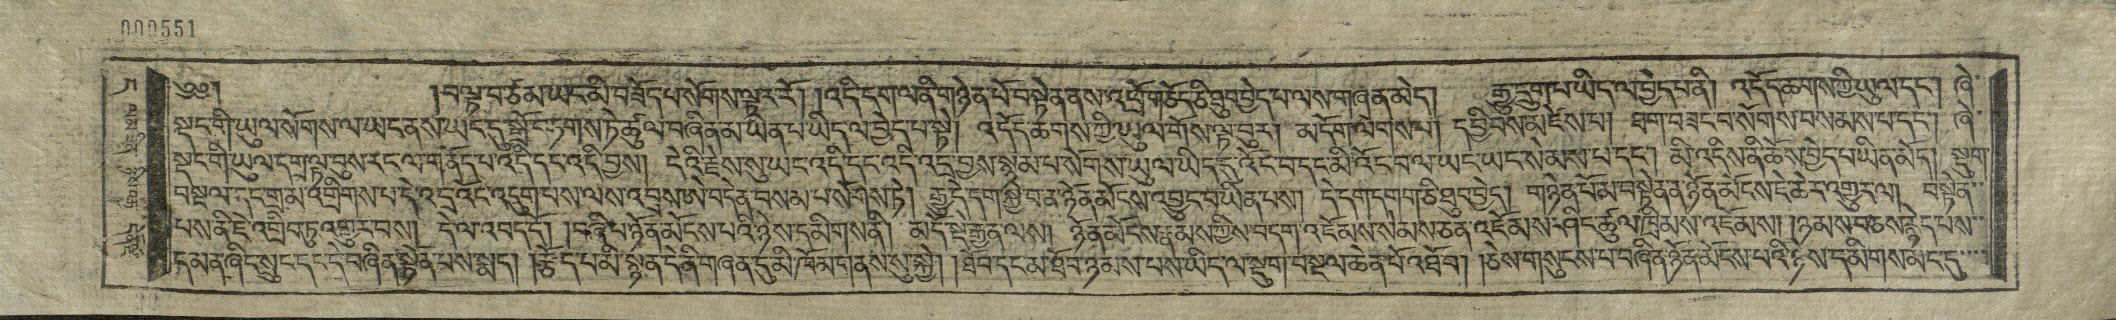༄༅། །བལྟ་བ་ཙམ་ཡང་མི་བཟོད་པ་སོགས་ལྟར་རོ། །འདི་དག་ལ་ནི་གཉེན་པོ་བསྟེན་ནས་འཕྲོ་གཅོད་ཅི་ཐུབ་བྱེད་པ་ལས་གཞན་མེད། རྒྱུ་དྲུག་པ་ཡིད་ལ་བྱེད་པ་ནི། འདོད་ཆགས་ཀྱི་ཡུལ་དང་། ཞེ་
སྡང་གི་ཡུལ་སོགས་ལ་ཡང་ནས་ཡང་དུ་སྒྲོ་བཏགས་ཏེ་ཚུལ་བཞིན་མ་ཡིན་པ་ཡིད་ལ་བྱེད་པ་སྟེ། འདོད་ཆགས་ཀྱི་ཡུལ་གོས་ལྟ་བུར། མདོག་ལེགས་པ། དབྱིབས་མཛེས་པ། ཐག་བཟང་བ་སོགས་བསམས་པ་དང་། ཞེ་
སྡང་གི་ཡུལ་དགྲ་ལྟ་བུས་རང་ལ་གནོད་པ་འདི་དང་འདི་བྱས། དེའི་རྗེས་སུ་ཡང་འདི་དང་འདི་འདྲ་བྱས་སྙམ་པ་སོགས་ཡུལ་ཡིད་དུ་འོང་བ་དང་མི་འོང་བ་ལ་ཡང་ཡང་སེམས་པ་དང་། མི་འདིས་ནི་ཆོས་བྱེད་པ་ཡིན་མོད། སྡུག་
བསྔལ་དང་གྲ་མ་འགྲིགས་པ་དེ་འདྲ་འོང་འདུག་པས་ལས་འབྲས་ཨེ་བདེན་བསམ་པ་སོགས་ཏེ། རྒྱུ་དེ་དག་སྐྱེ་བ་ན་ཉོན་མོངས་འབྱུང་བ་ཡིན་པས། དེ་དག་དགག་ཅི་ཐུབ་བྱེད། གཉེན་པོ་མ་བསྟེན་ན་ཉོན་མོངས་ཇེ་ཆེར་འགྱུར་ལ། བསྟེན་
པས་ནི་ཇེ་འགྲིབ་ཏུ་འགྱུར་བས། དེ་ལ་འབད་དོ། །བཞི་པ་ཉོན་མོངས་པའི་ཉེས་དམིགས་ནི། མདོ་སྡེ་རྒྱན་ལས། ཉོན་མོངས་རྣམས་ཀྱིས་བདག་འཇོམས་སེམས་ཅན་འཇོམས་ཤིང་ཚུལ་ཁྲིམས་འཇོམས། །ཉམས་བཅས་རྙེད་པས་
དམན་ཞིང་སྲུང་དང་དེ་བཞིན་སྟོན་པས་སྨད། །རྩོད་པ་མི་སྙན་དེ་ནི་གཞན་དུ་མི་ཁོམ་གནས་སུ་སྐྱེ། །ཐོབ་དང་མ་ཐོབ་ཉམས་པས་ཡིད་ལ་སྡུག་བསྔལ་ཆེན་པོ་འཐོབ། །ཅེས་གསུངས་པ་བཞིན་ཉོན་མོངས་པའི་ཉེས་དམིགས་མང་དུ་